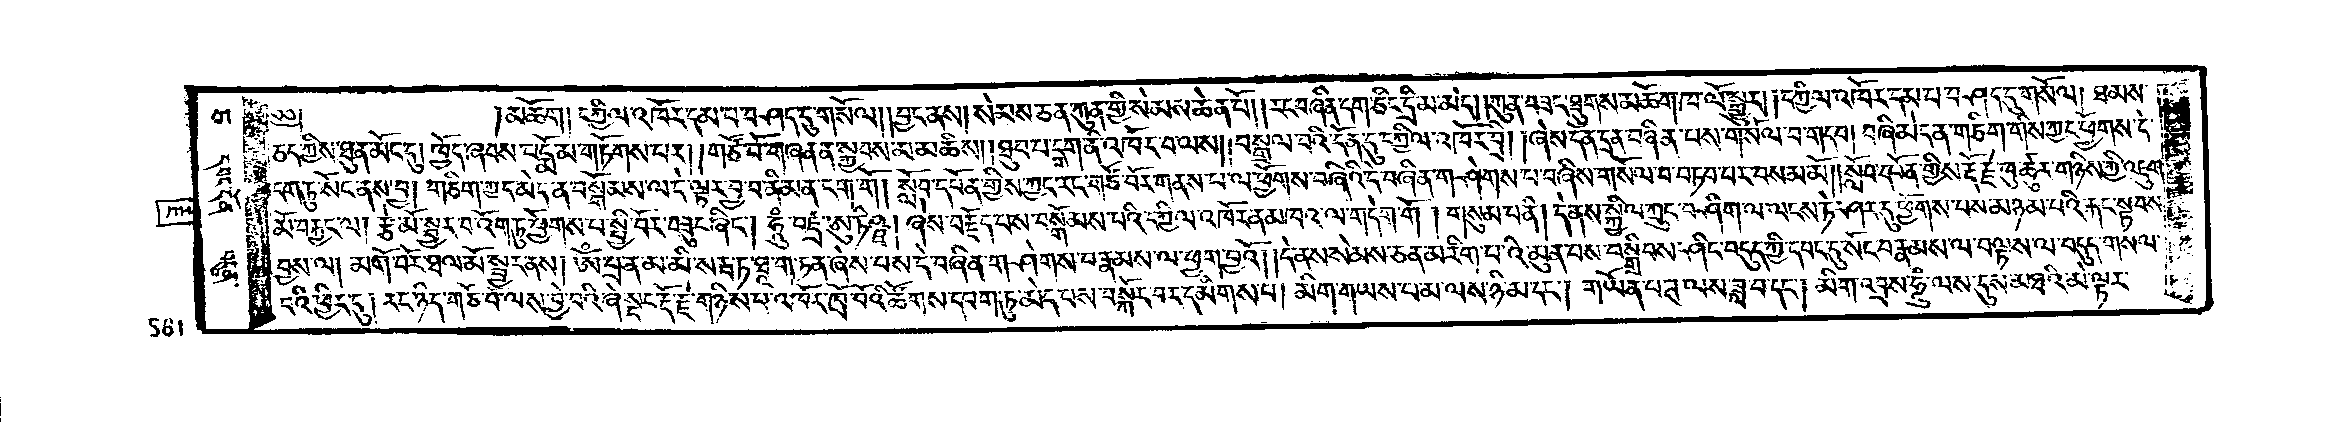༄༅། །མཆོག །དཀྱིལ་འཁོར་དམ་པ་བཤད་དུ་གསོལ། །བྱང་ནས། སེམས་ཅན་ཀུན་གྱི་སེམས་ཆེན་པོ། །རང་བཞིན་དག་ཅིང་དྲི་མ་མེད། །ཀུན་བཟང་ཐུགས་མཆོག་ཁ་ལོ་སྒྱུར། །དཀྱིལ་འཁོར་དམ་པ་བཤད་དུ་གསོལ། ཐམས་
ཅད་ཀྱིས་ཐུན་མོང་དུ། ཁྱོད་ཞབས་པདམོ་མ་གཏོགས་པར། །གཙོ་བོ་གཞན་ན་སྐྱབས་མ་མཆིས། །ཐུབ་པ་འདག་ནི་འཁོར་བ་ལས། །བསྒྲལ་བའི་དོན་དུ་དཀྱིལ་འཁོར་བྲི། །ཞེས་དོན་དྲན་བཞིན་པས་གསོལ་བ་གདབ། བཞི་མེད་ན་གཅིག་གིས་ཀྱང་ཕྱོགས་དེ་
དག་ཏུ་སོང་ནས་བྱ། གཅིག་ཀྱང་མེད་ན་བསྒོམས་ལ་དེ་ལྟར་བྱ་བ་ནི་མན་ངག་གོ །སློབ་དཔོན་གྱིས་ཀྱང་རང་གཙོ་བོར་གནས་པ་ལ་ཕྱོགས་བཞིའི་དེ་བཞིན་གཤེགས་པ་བཞིས་གསོལ་བ་བཏབ་པར་བསམ་མོ། །སློབ་དཔོན་གྱིས་རྡོ་རྗེ་ཁུ་ཚུར་གཉིས་ཀྱི་འཇུག་
མོ་བརྐྱང་ལ། རྩེ་མོ་སྦྱོར་བ་འོག་ཏུ་ཕྱོགས་པ་སྤྱི་བོར་བཟུང་ཞིང་། ཧཱུཾ་བཛྲ་ཨུ་ཏིཥཊཿཨ། ཞེས་བརྗོད་པས་བསྒོམས་པའི་དཀྱིལ་འཁོར་ནམ་མཁའ་ལ་གདེག་གོ །གསུམ་པ་ནི། དེ་ནས་སྐྱིལ་ཀྲུང་བཤིག་ལ་ལངས་ཏེ་ཤར་དུ་ཕྱོགས་པས་མཉམ་པའི་རྐང་སྟབས་
བྱས་ལ། མགོ་བོར་ཐལ་མོ་སྦྱར་ནས། ཨོཾ་པྲ་ན་མ་མི་སརྦ་ཏ་ཐཱ་གཏན་ཞེས་པས་དེ་བཞིན་གཤེགས་པ་རྣམས་ལ་ཕྱག་བྱའོ། །དེ་ནས་སེམས་ཅན་མ་རིག་པའི་མུན་པས་བསྒྲིབས་ཤིང་བདུད་ཀྱི་དབང་དུ་སོང་བ་རྣམས་ལ་བལྟས་ལ་བདུད་གསལ་
བའི་ཕྱིར་དུ། རང་ཉིད་གཙོ་བོ་ལས་བྱེ་བའི་ཞེ་སྡང་རྡོ་རྗེ་གཉིས་པ་འཁོར་ཁྲོ་བོའི་ཚེགས་དཔག་ཏུ་མེད་པས་བསྐོར་བར་དམིགས་པ། མིག་གཡས་པ་མ་ལས་ཉི་མ་དང་། གཡོན་པ་ཊ་ལས་ཟླ་བ་དང་། མིག་འབྲས་ཧཱུཾ་ལས་དུས་མཐའི་མེ་ལྟར་